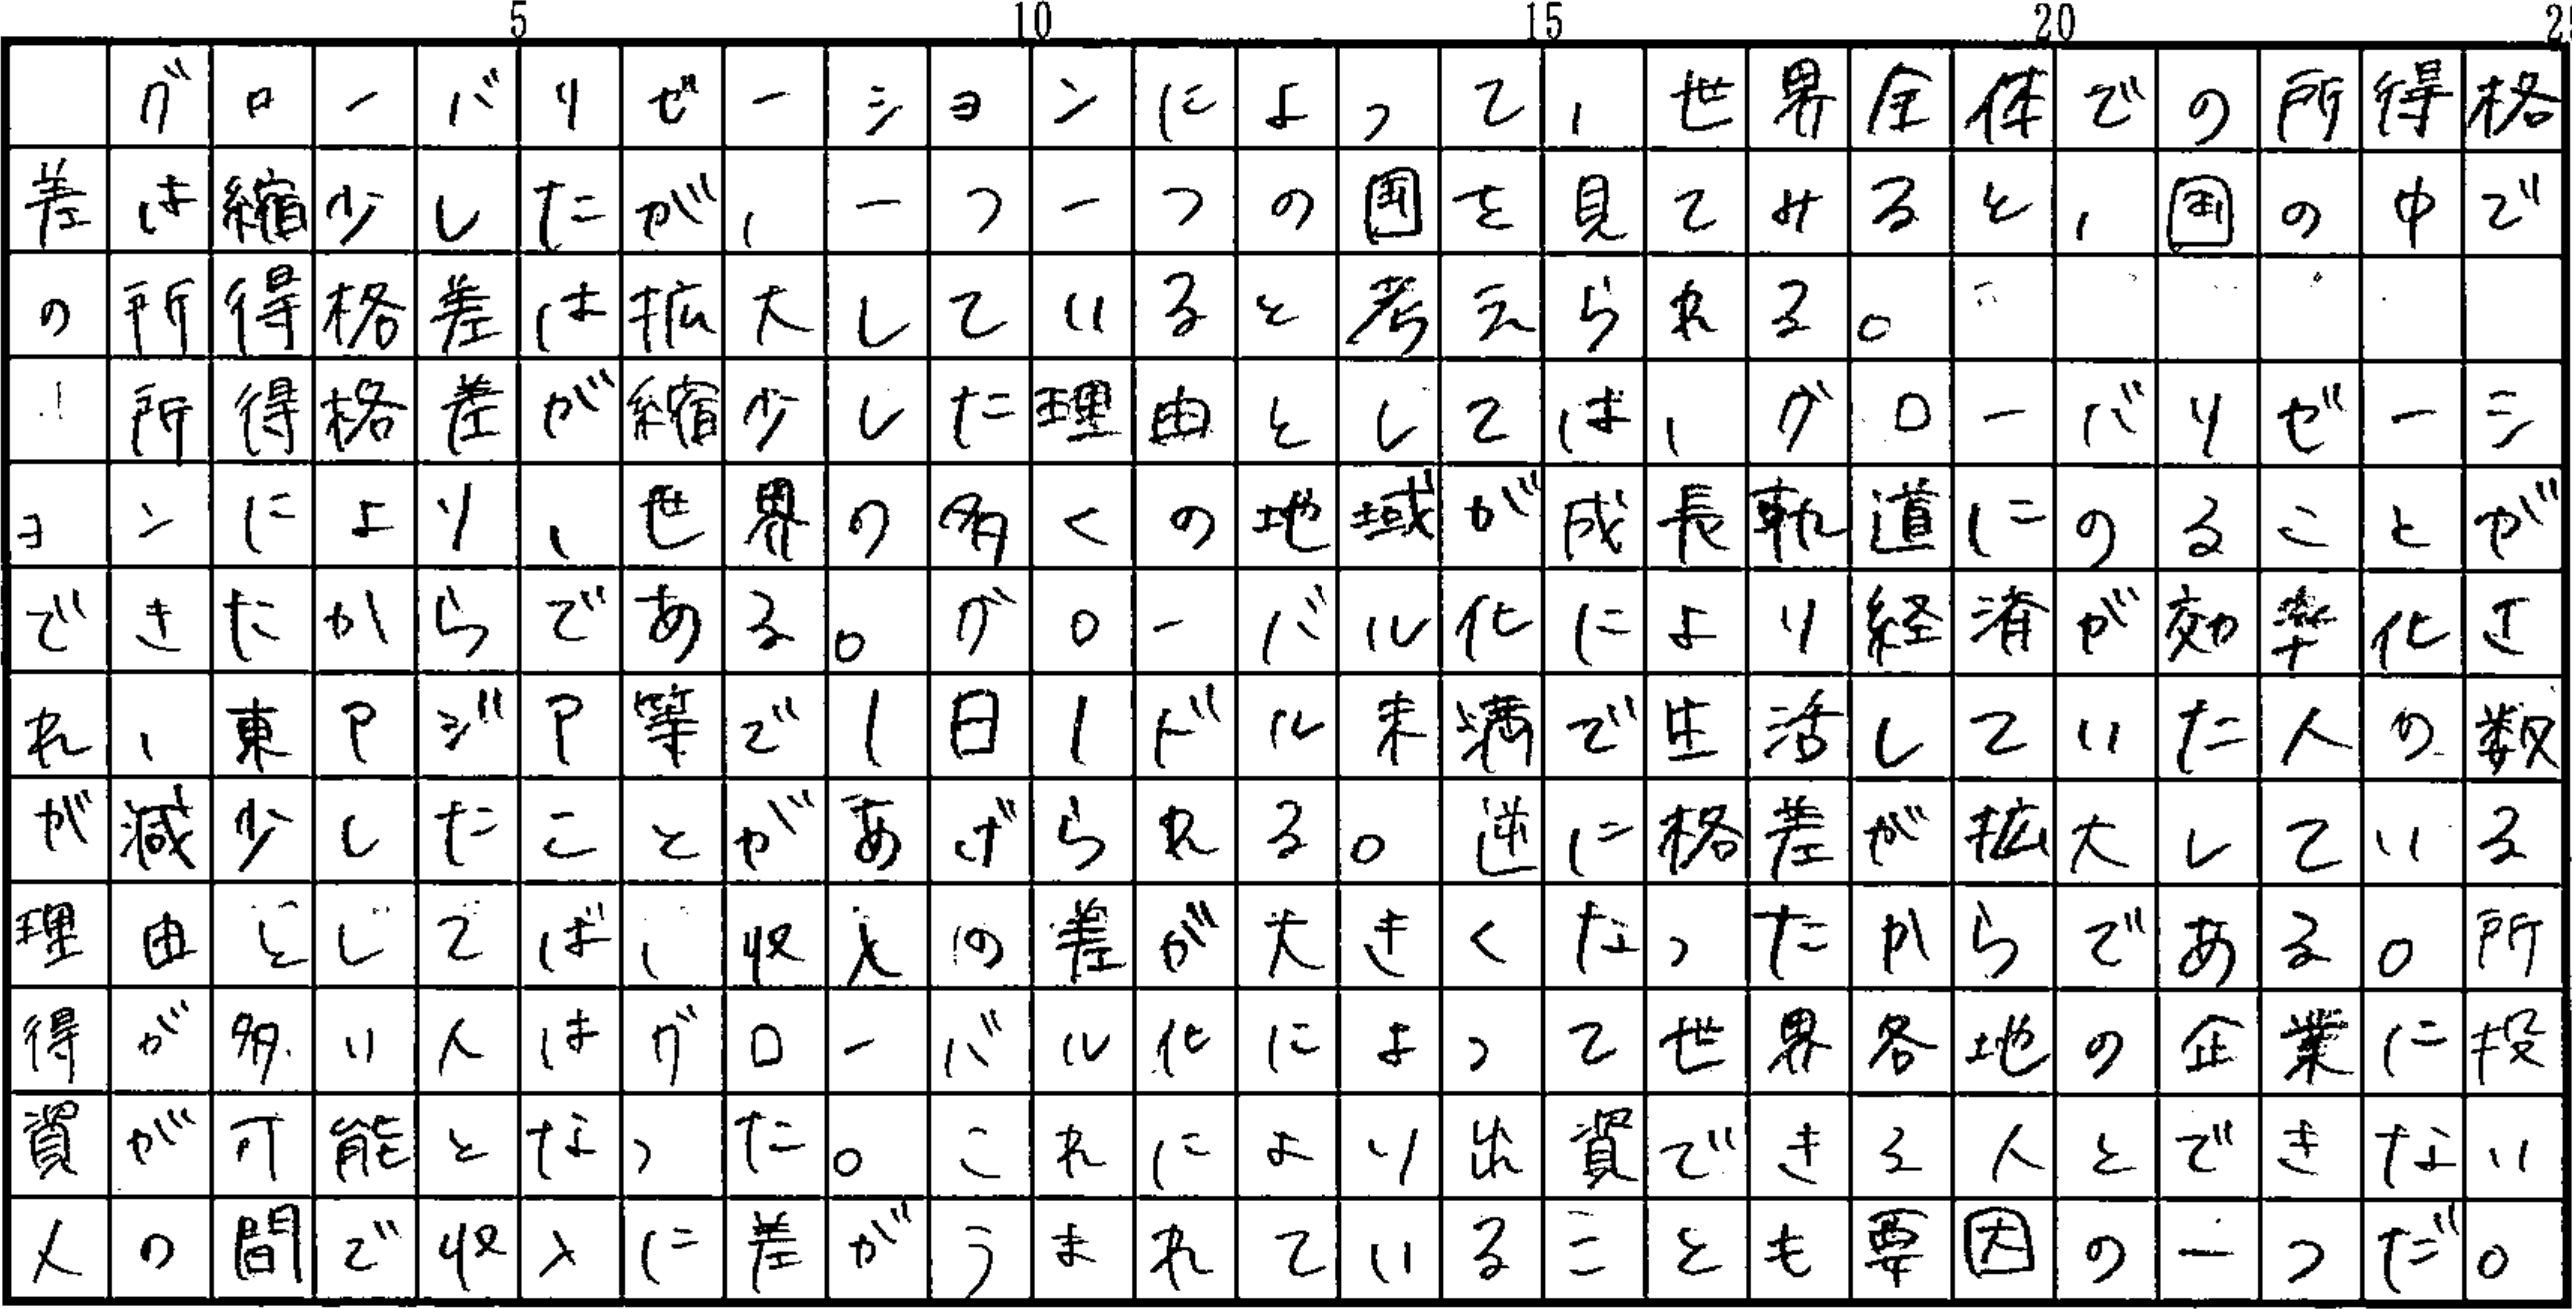　グローバリゼーションによって、世界全体での所得格差は縮少したが、一つ一つの国を見てみると、国の中での所得格差は拡大していると考えられる。
　所得格差が縮少した理由としては、グローバリゼーションにより、世界の多くの地域が成長軌道にのることができたからである。グローバル化により経済が効率化され、東アジア等で１日１ドル未満で生活していた人の数が減少したことがあげられる。逆に格差が拡大している理由としてば、収入の差が大きくなったからである。所得が多い人はグローバル化によって世界各地の企業に投資が可能となった。これにより出資できる人とできない人の間で収入に差がうまれていることも要因の一つだ。
